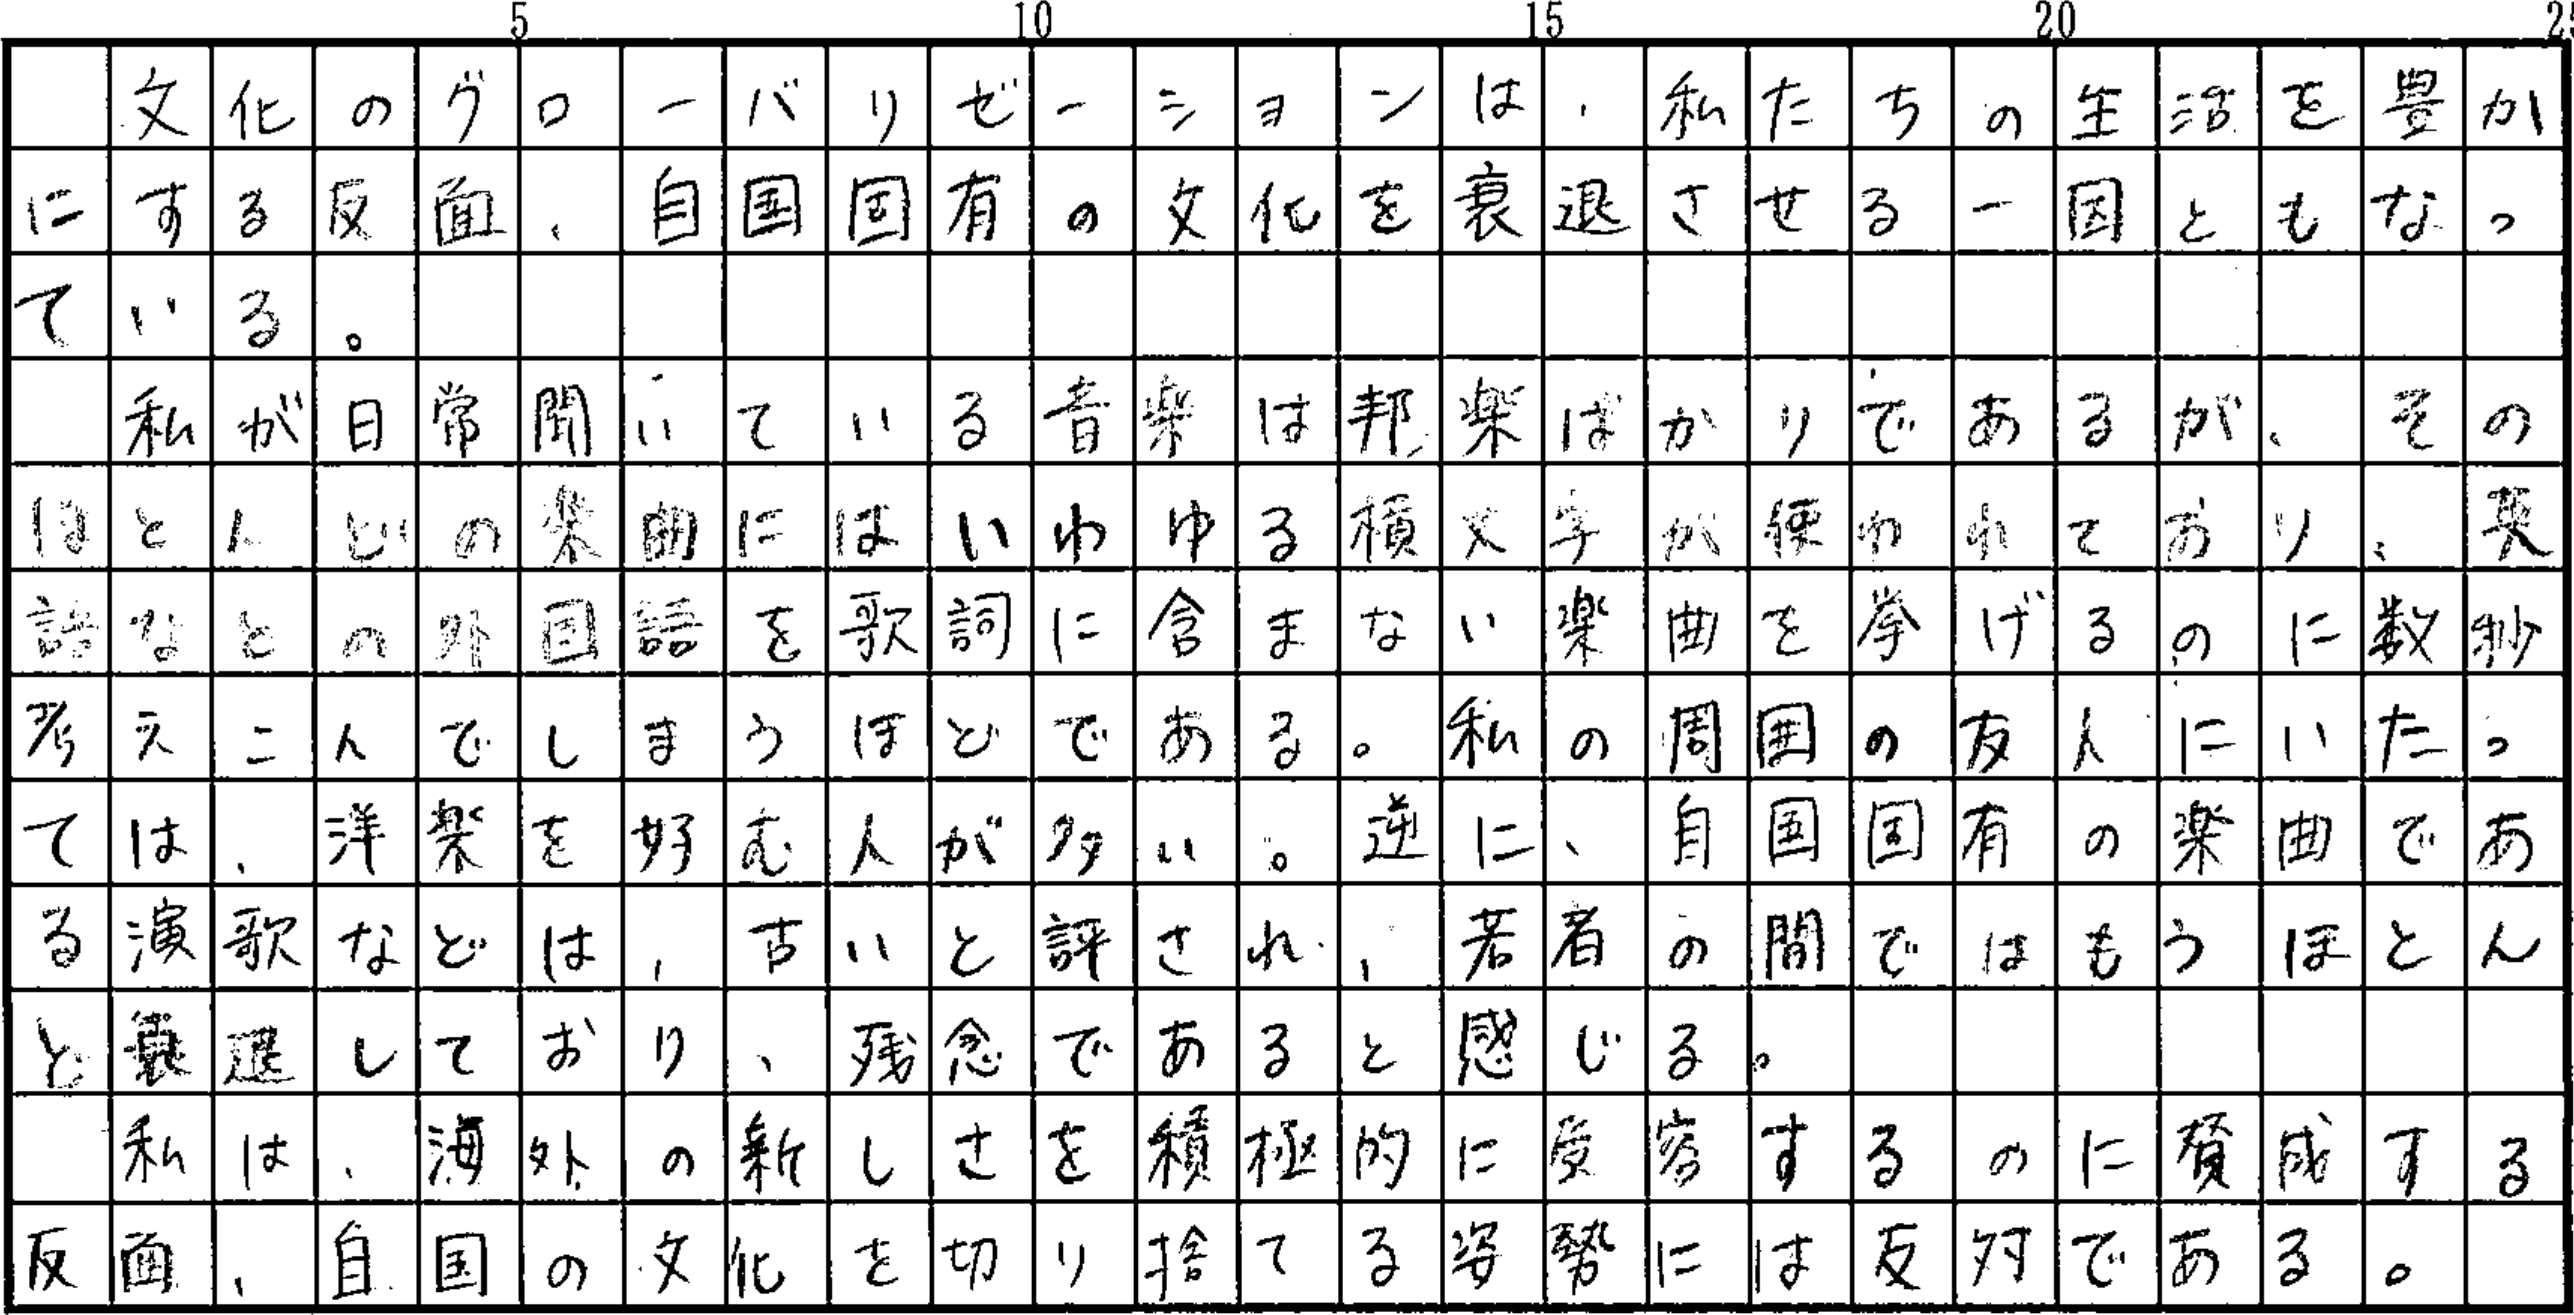　文化のグローバリゼーションは、私たちの生活を豊かにする反面、自国固有の文化を衰退させる一因ともなっている。
　私が日常聞いている音楽は邦楽ばかりであるが、そのほとんどの楽曲にはいわゆる横文字が使われており、英語などの外国語を歌詞に含まない楽曲を挙げるのに数秒考えこんでしまうほどである。私の周囲の友人にいたっては、洋楽を好む人が多い。逆に、自国固有の楽曲である演歌などは、古いと評され、若者の間ではもうほとんど▁退しており、残念であると感じる。
　私は、海外の新しさを積極的に受容するのに賛成する反面、自国の文化を切り捨てる姿勢には反対である。
